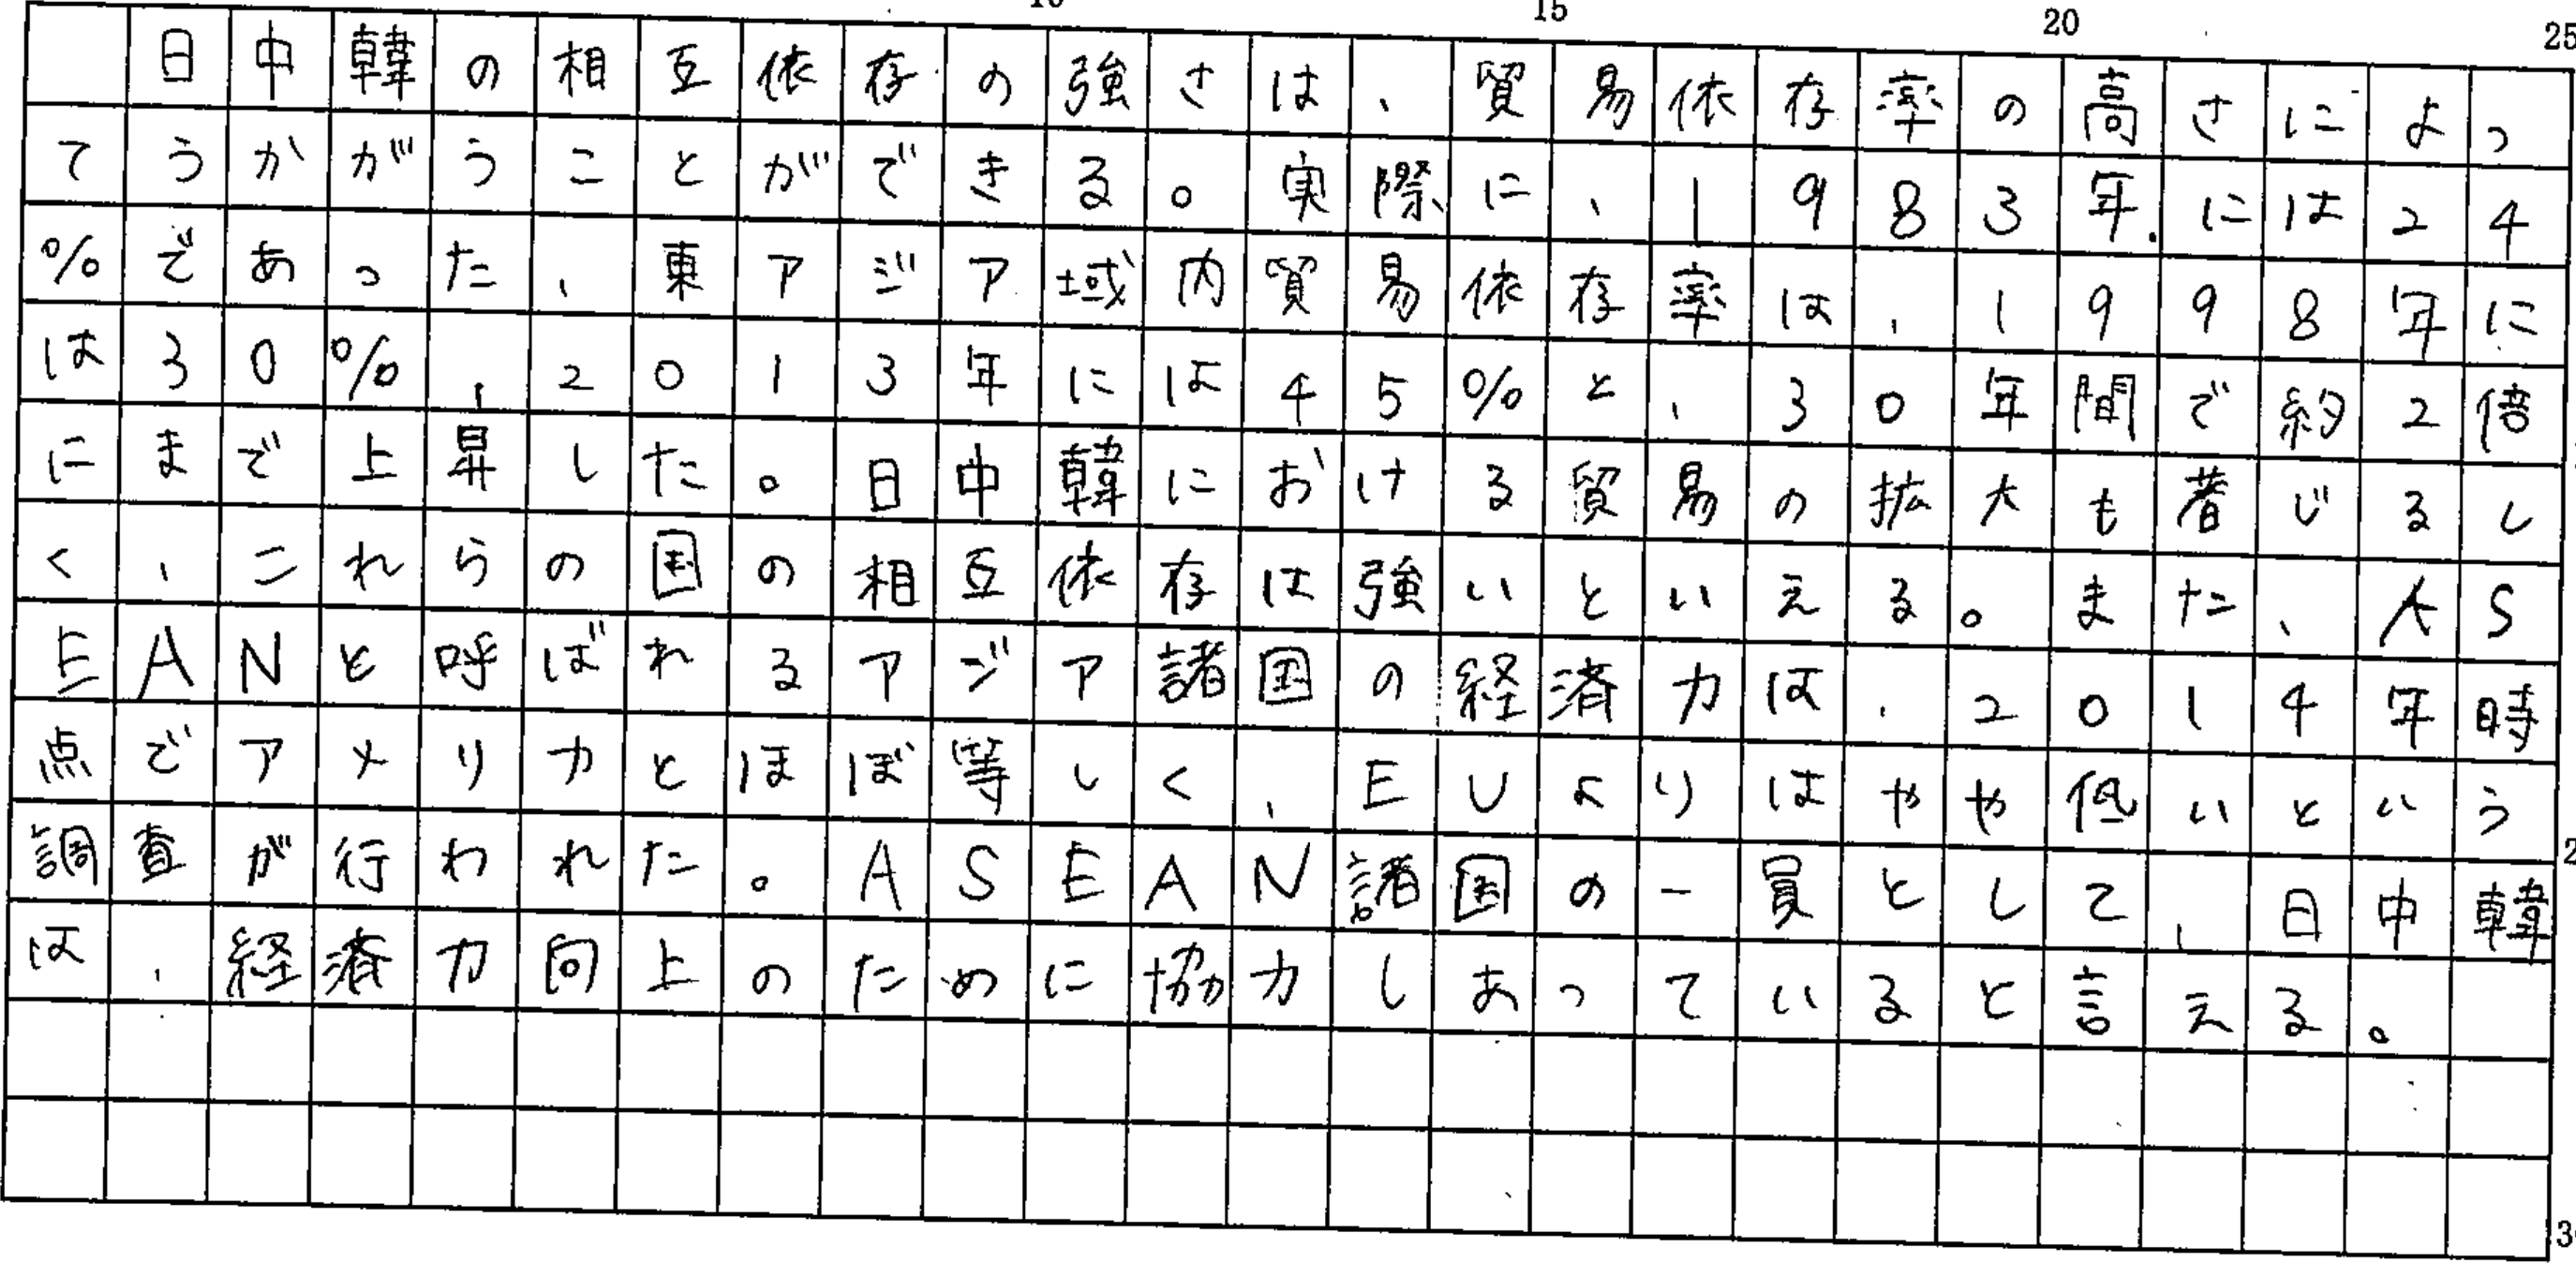　日中韓の相互依存の強さは、貿易依存率の高さによってうかがうことができる。実際に、１９８３年には２４％であった、東アジア域内貿易依存率は、１９９８年には３０％、２０１３年には４５％と、３０年間で約２倍にまで上昇した。日中韓における貿易の拡大も著じるしく、これらの国の相互依存は強いといえる。また、ＡＳＥＡＮと呼ばれるアジア諸国の経済力は、２０１４年時点でアメリカとほぼ等しく、ＥＵよりはやや低いという調査が行われた。ＡＳＥＡＮ諸国の一員として、日中韓は、経済力向上のために協力しあっていると言える。
